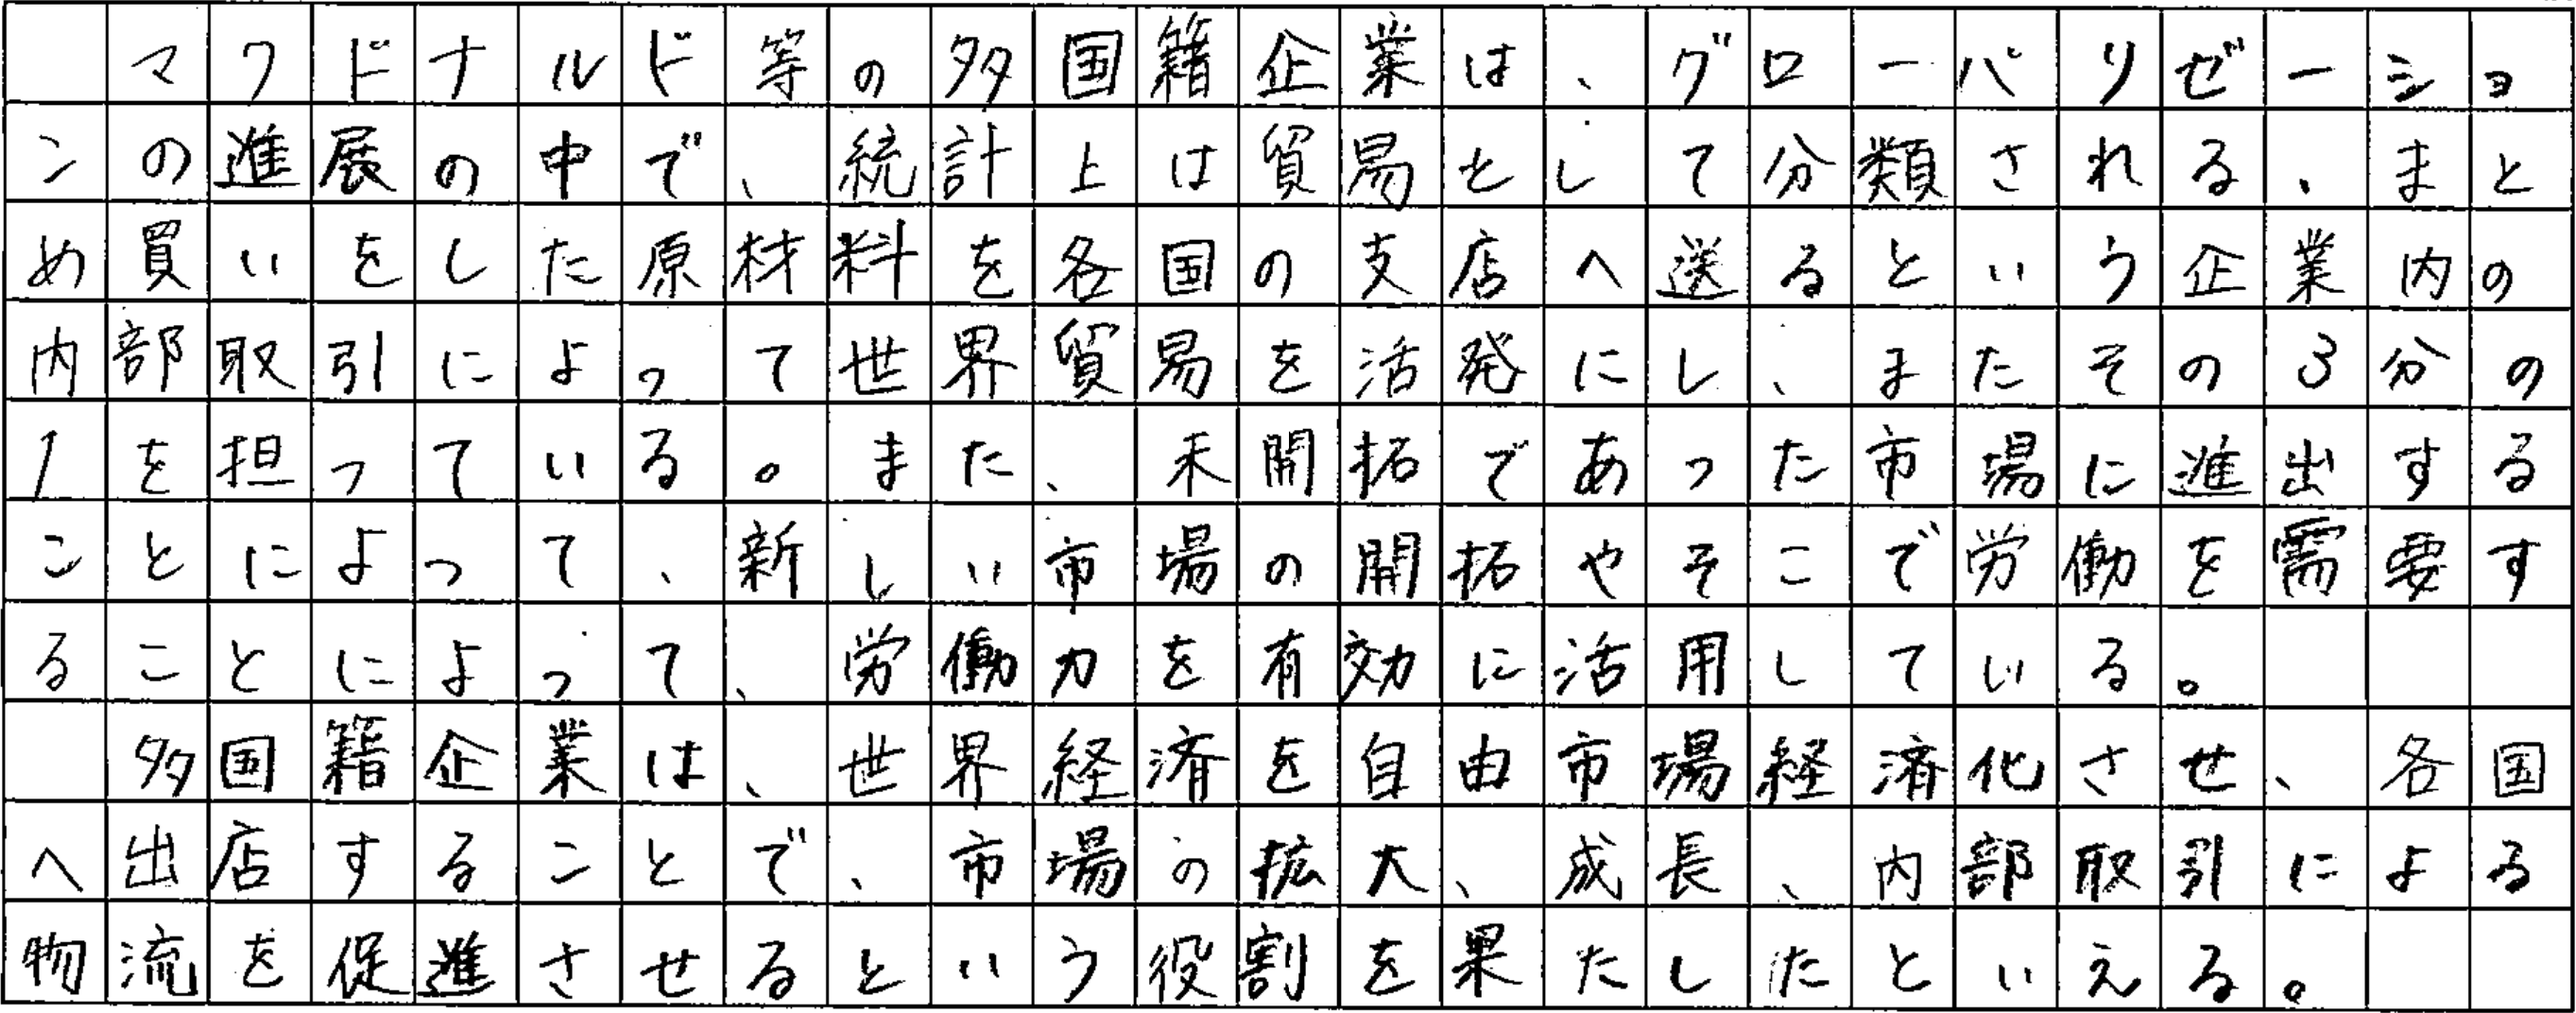　マクドナルド等の他国籍企業は、グローバリゼーションの進展の中で、統計上は貿易として分類される。まとめ買いをした原材料を各国の支店へ送るという企業内の内部取引によって世界貿易を活発にし、またその３分１を担っている。また、未開拓であった市場に進出することによって、新しい市場の開拓やそこで労働を需要することによって、労働力を有効に活用している。
　多国籍企業は、世界経済を自由市場経済化させ、各国へ出店することで、市場の拡大、成長、内部取引による物流を促進させるという役割を果たしたといえる。
